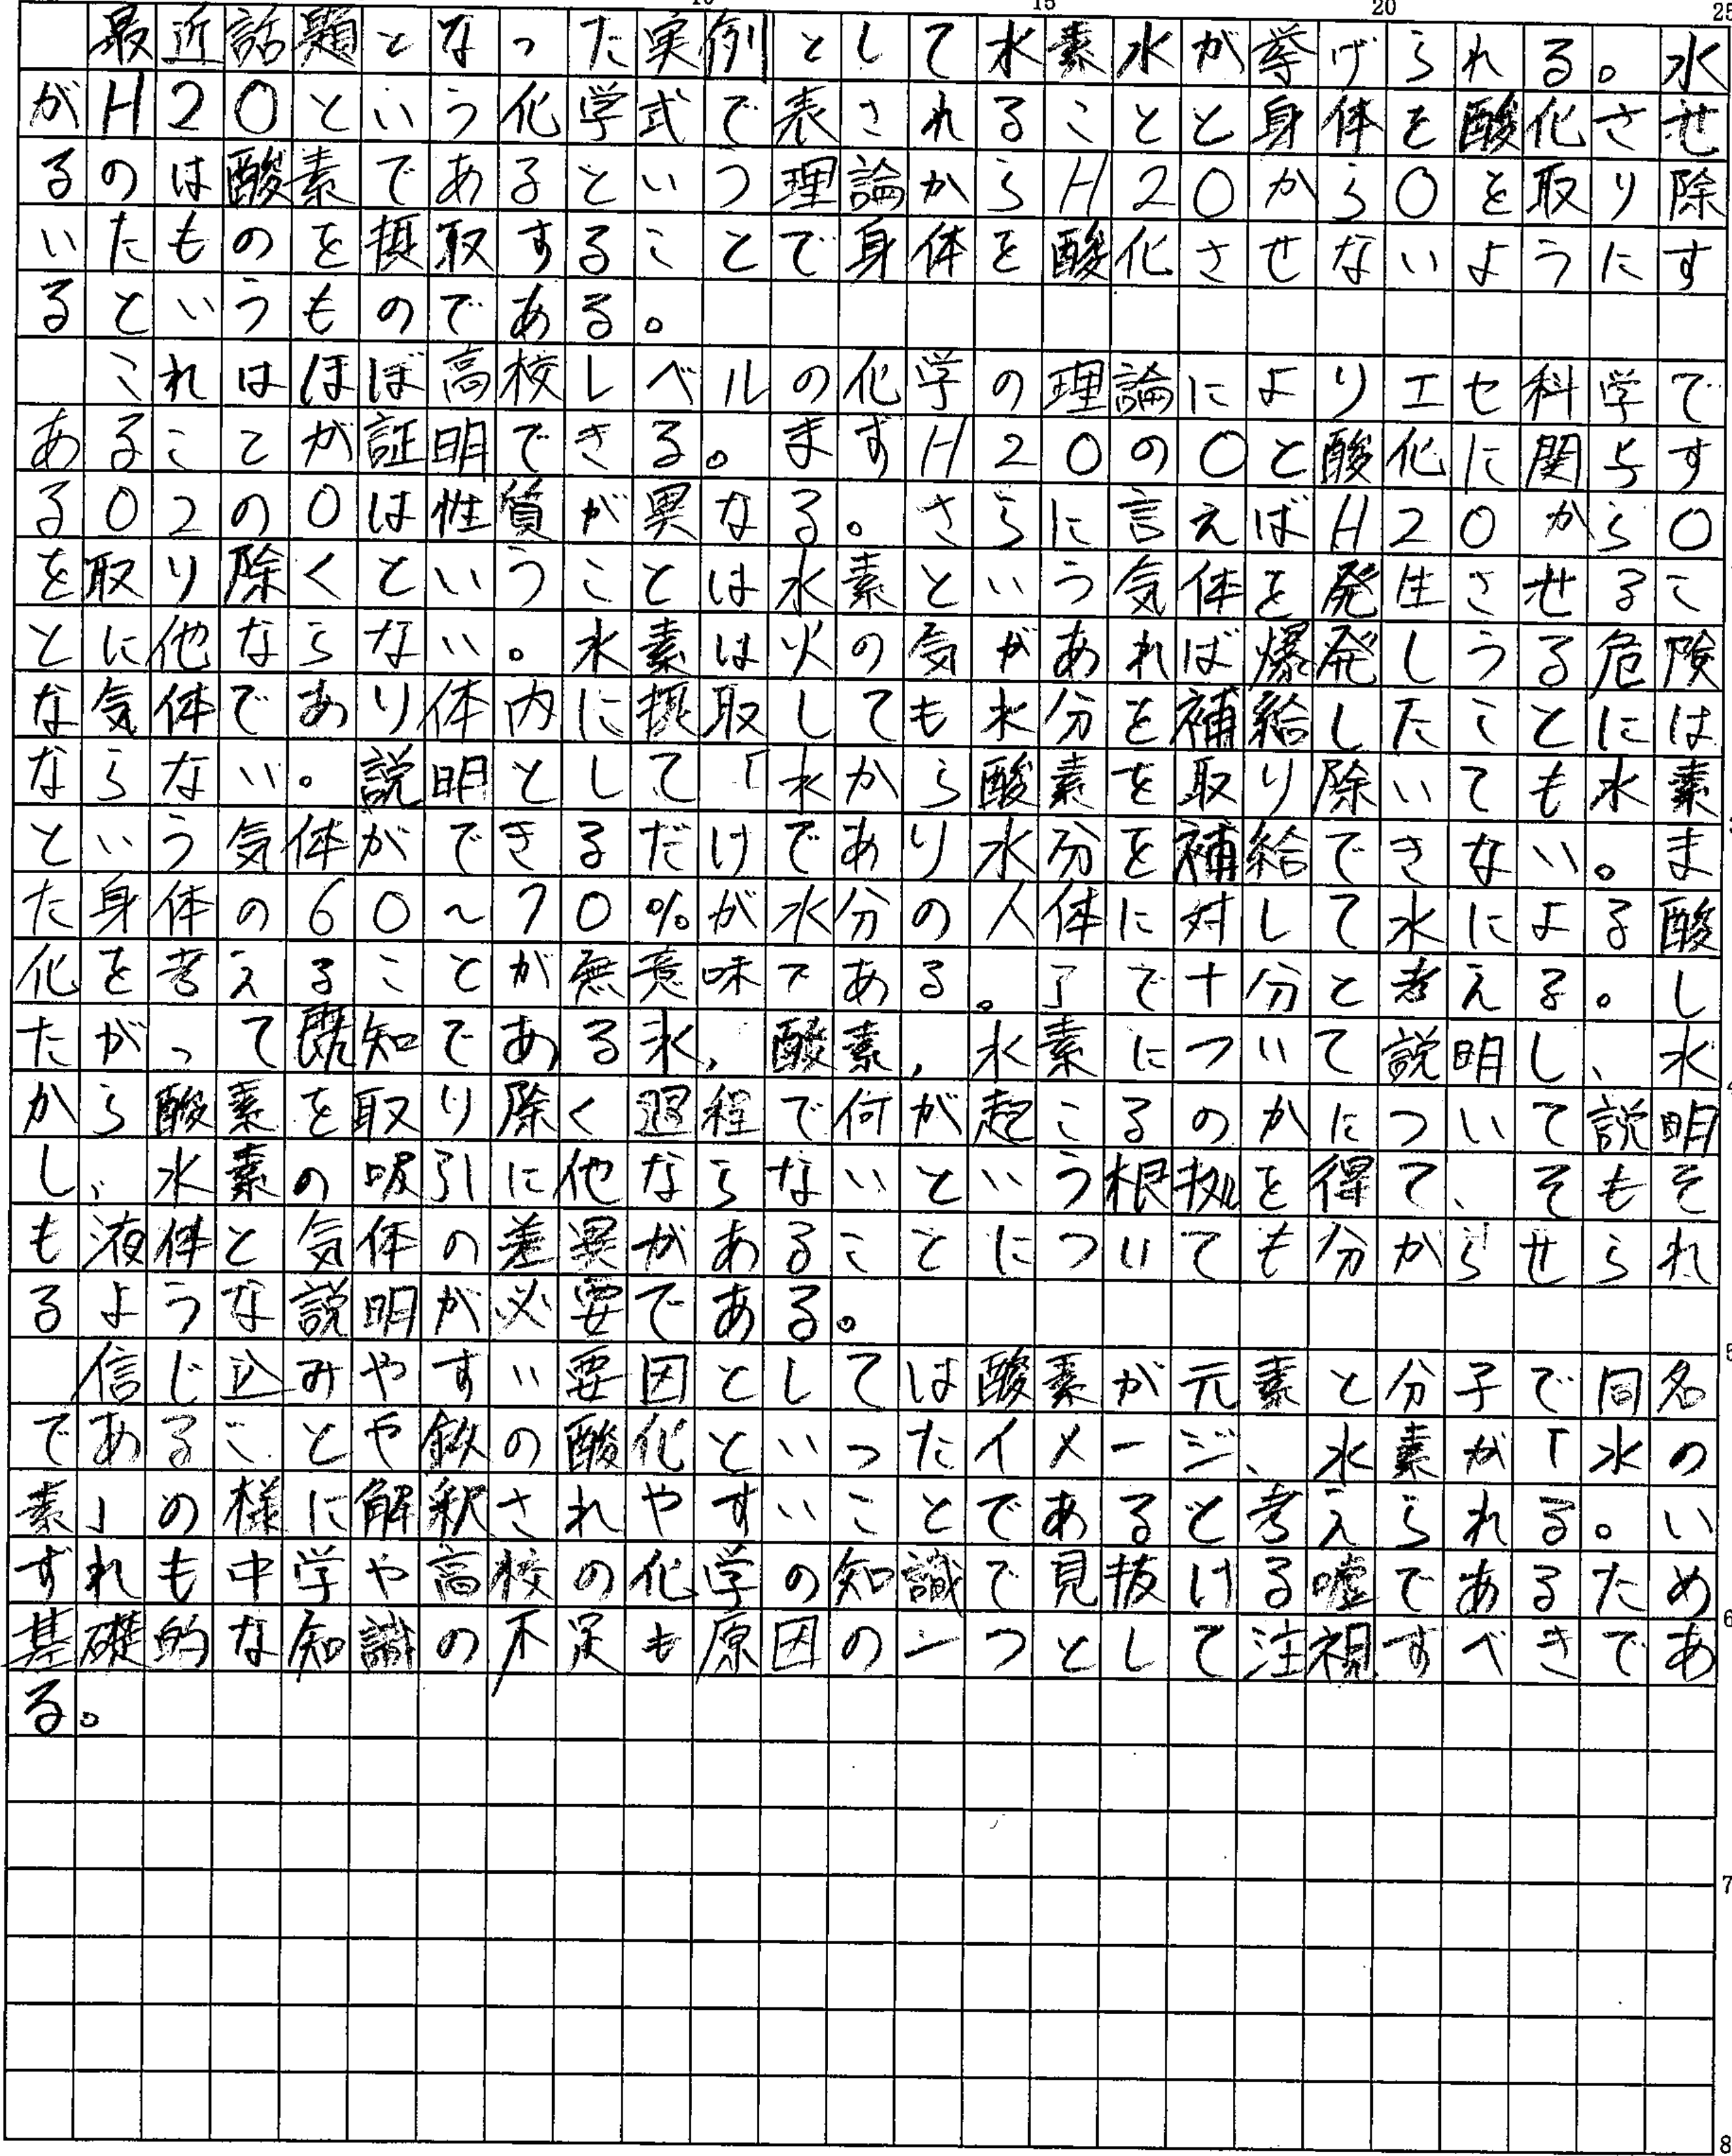　最近話題となった実例として水素水が挙げられる。水がＨ２Ｏという化学式で表されることと身体を酸化させるのは酸素であるという理論からＨ２ＯからＯを取り除いたものを摂取することで身体を酸化させないようにするというものである。
　これはほぼ高校レベルの化学の理論によりエセ科学であることが証明できる。まずＨ２ＯのＯと酸化に関与するＯ２のＯは性質が異なる。さらに言えばＨ２ＯからＯを取り除くということは水素という気体を発生させることに他ならない。水素は火の気があれば爆発しうる危険な気体であり体内に摂取しても水分を補給したことにはならない。説明として「水から酸素を取り除いても水素という気体ができるだけであり水分を補給できない。また身体の６０～７０％が水分の人体に対して水による酸化を考えることが無意味である。」で十分と考える。したがって既知である水、酸素、水素について説明し、水から酸素を取り除く過程で何が起こるのかについて説明し、水素の吸引に他ならないという根拠を得て、そもそも液体と気体の差異があることについても分からせられるような説明が必要である。
　信じ込みやすい要因としては酸素が元素と分子で同名であることや鉄の酸化といったイメージ、水素が「水の素」の様に解釈されやすいことであると考えられる。いずれも中学や高校の化学の知識で見抜ける嘘であるため基礎的な知識の不足も原因の一つとして注視すべきである。
